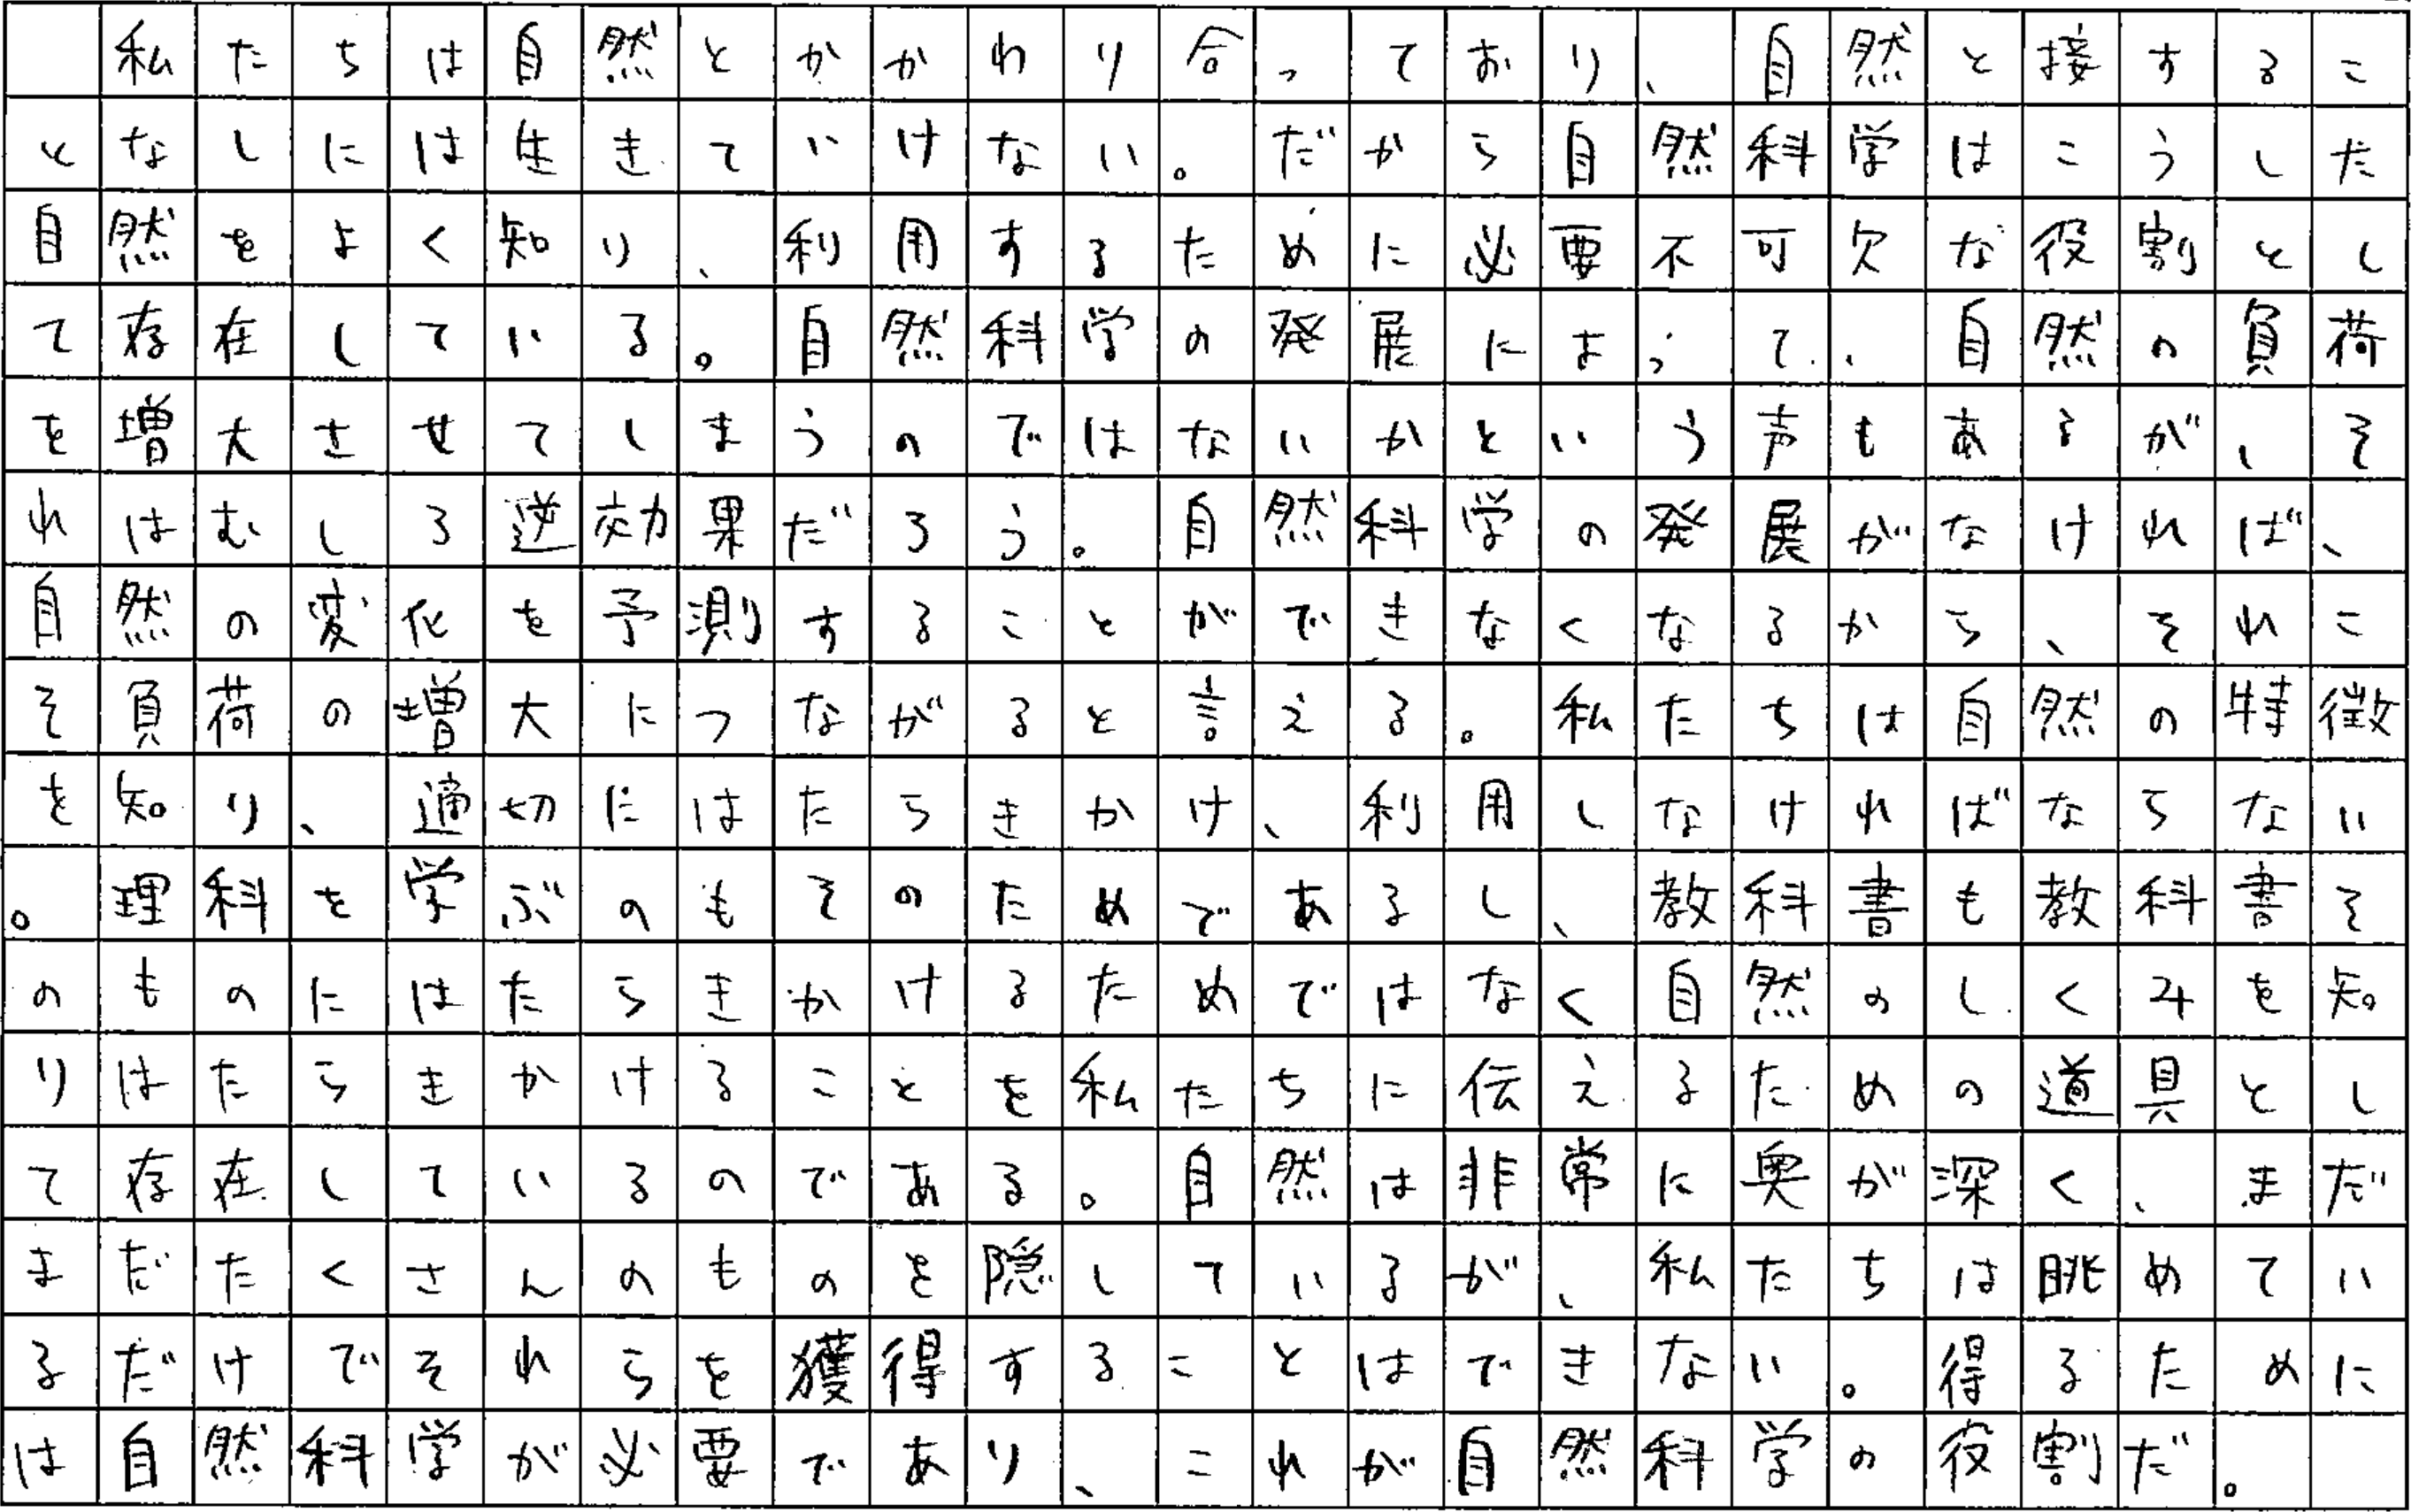私たちは自然かかわりあっており、自然と接することなしには生きていけない。だから自然科学はこうした自然をよく知り、利用するために必要不可欠な役割として存在している。自然科学の発展によって、自然の負荷を増大させてしまうのではないかという声もあるが、それはむしろ逆効果だろう。自然科学の発展がなければ、自然の変化を予測することができなくなるから、それこそ負荷の増大につながると言える。私たちは自然の特徴を知り、適切にはたらきかけ、利用しなければならない。理科を学ぶのもそのためであるし、教科書も教科書そのものにはたらきかけるためではなく自然のしくみを知りはたらきかけることを私たちに伝えるための道具として存在しているのである。自然は非常に奥が深く、まだまだたくさんのものを隠しているが、私たちは眺めているだけでそれらを獲得することはできない。得るためには自然科学が必要であり、これが自然科学の役割だ。
